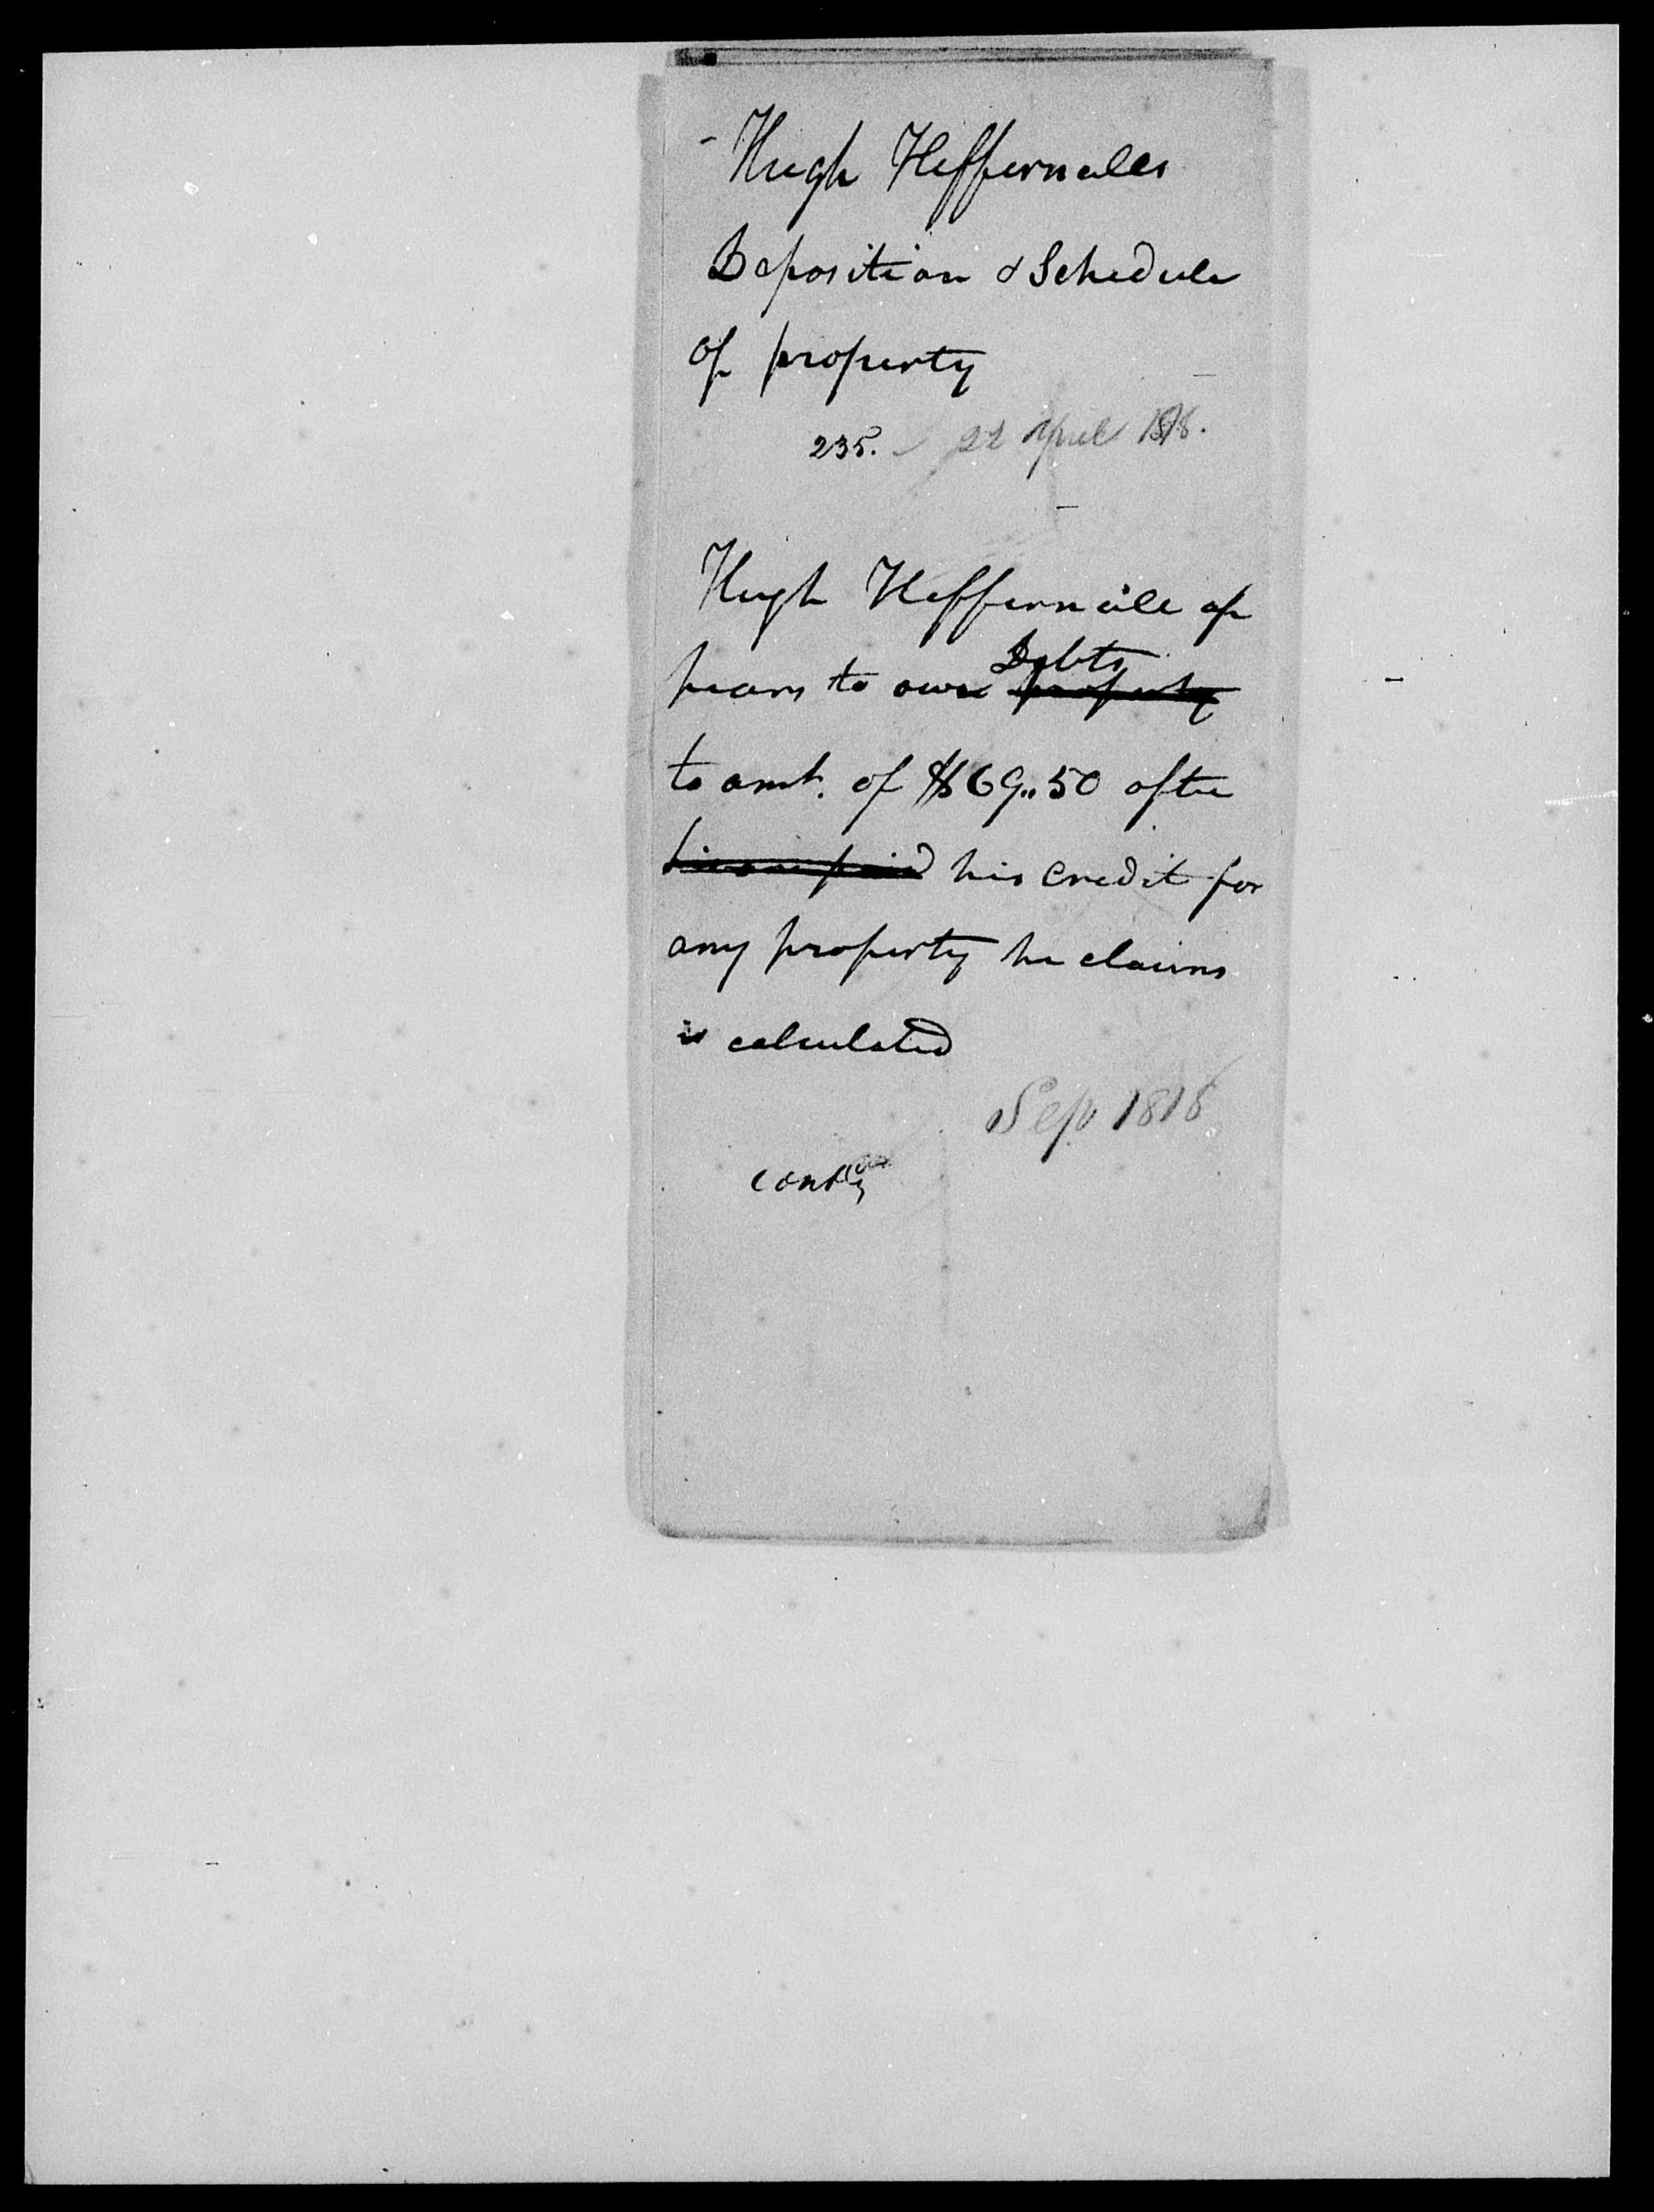Hugh Heffernales
Deposition & Schedule
of property
2/35 April 1818
Hugh Heffernall appears to owe debts
to amt of $69.50 after
his credit for
any property he claims is
calculated
Sept 1818
[illegible]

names: Hugh Heffernale, Hugh Heffernales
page: 6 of 21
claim: rejected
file: R. 4419, Hugh Haffernan, Penn.